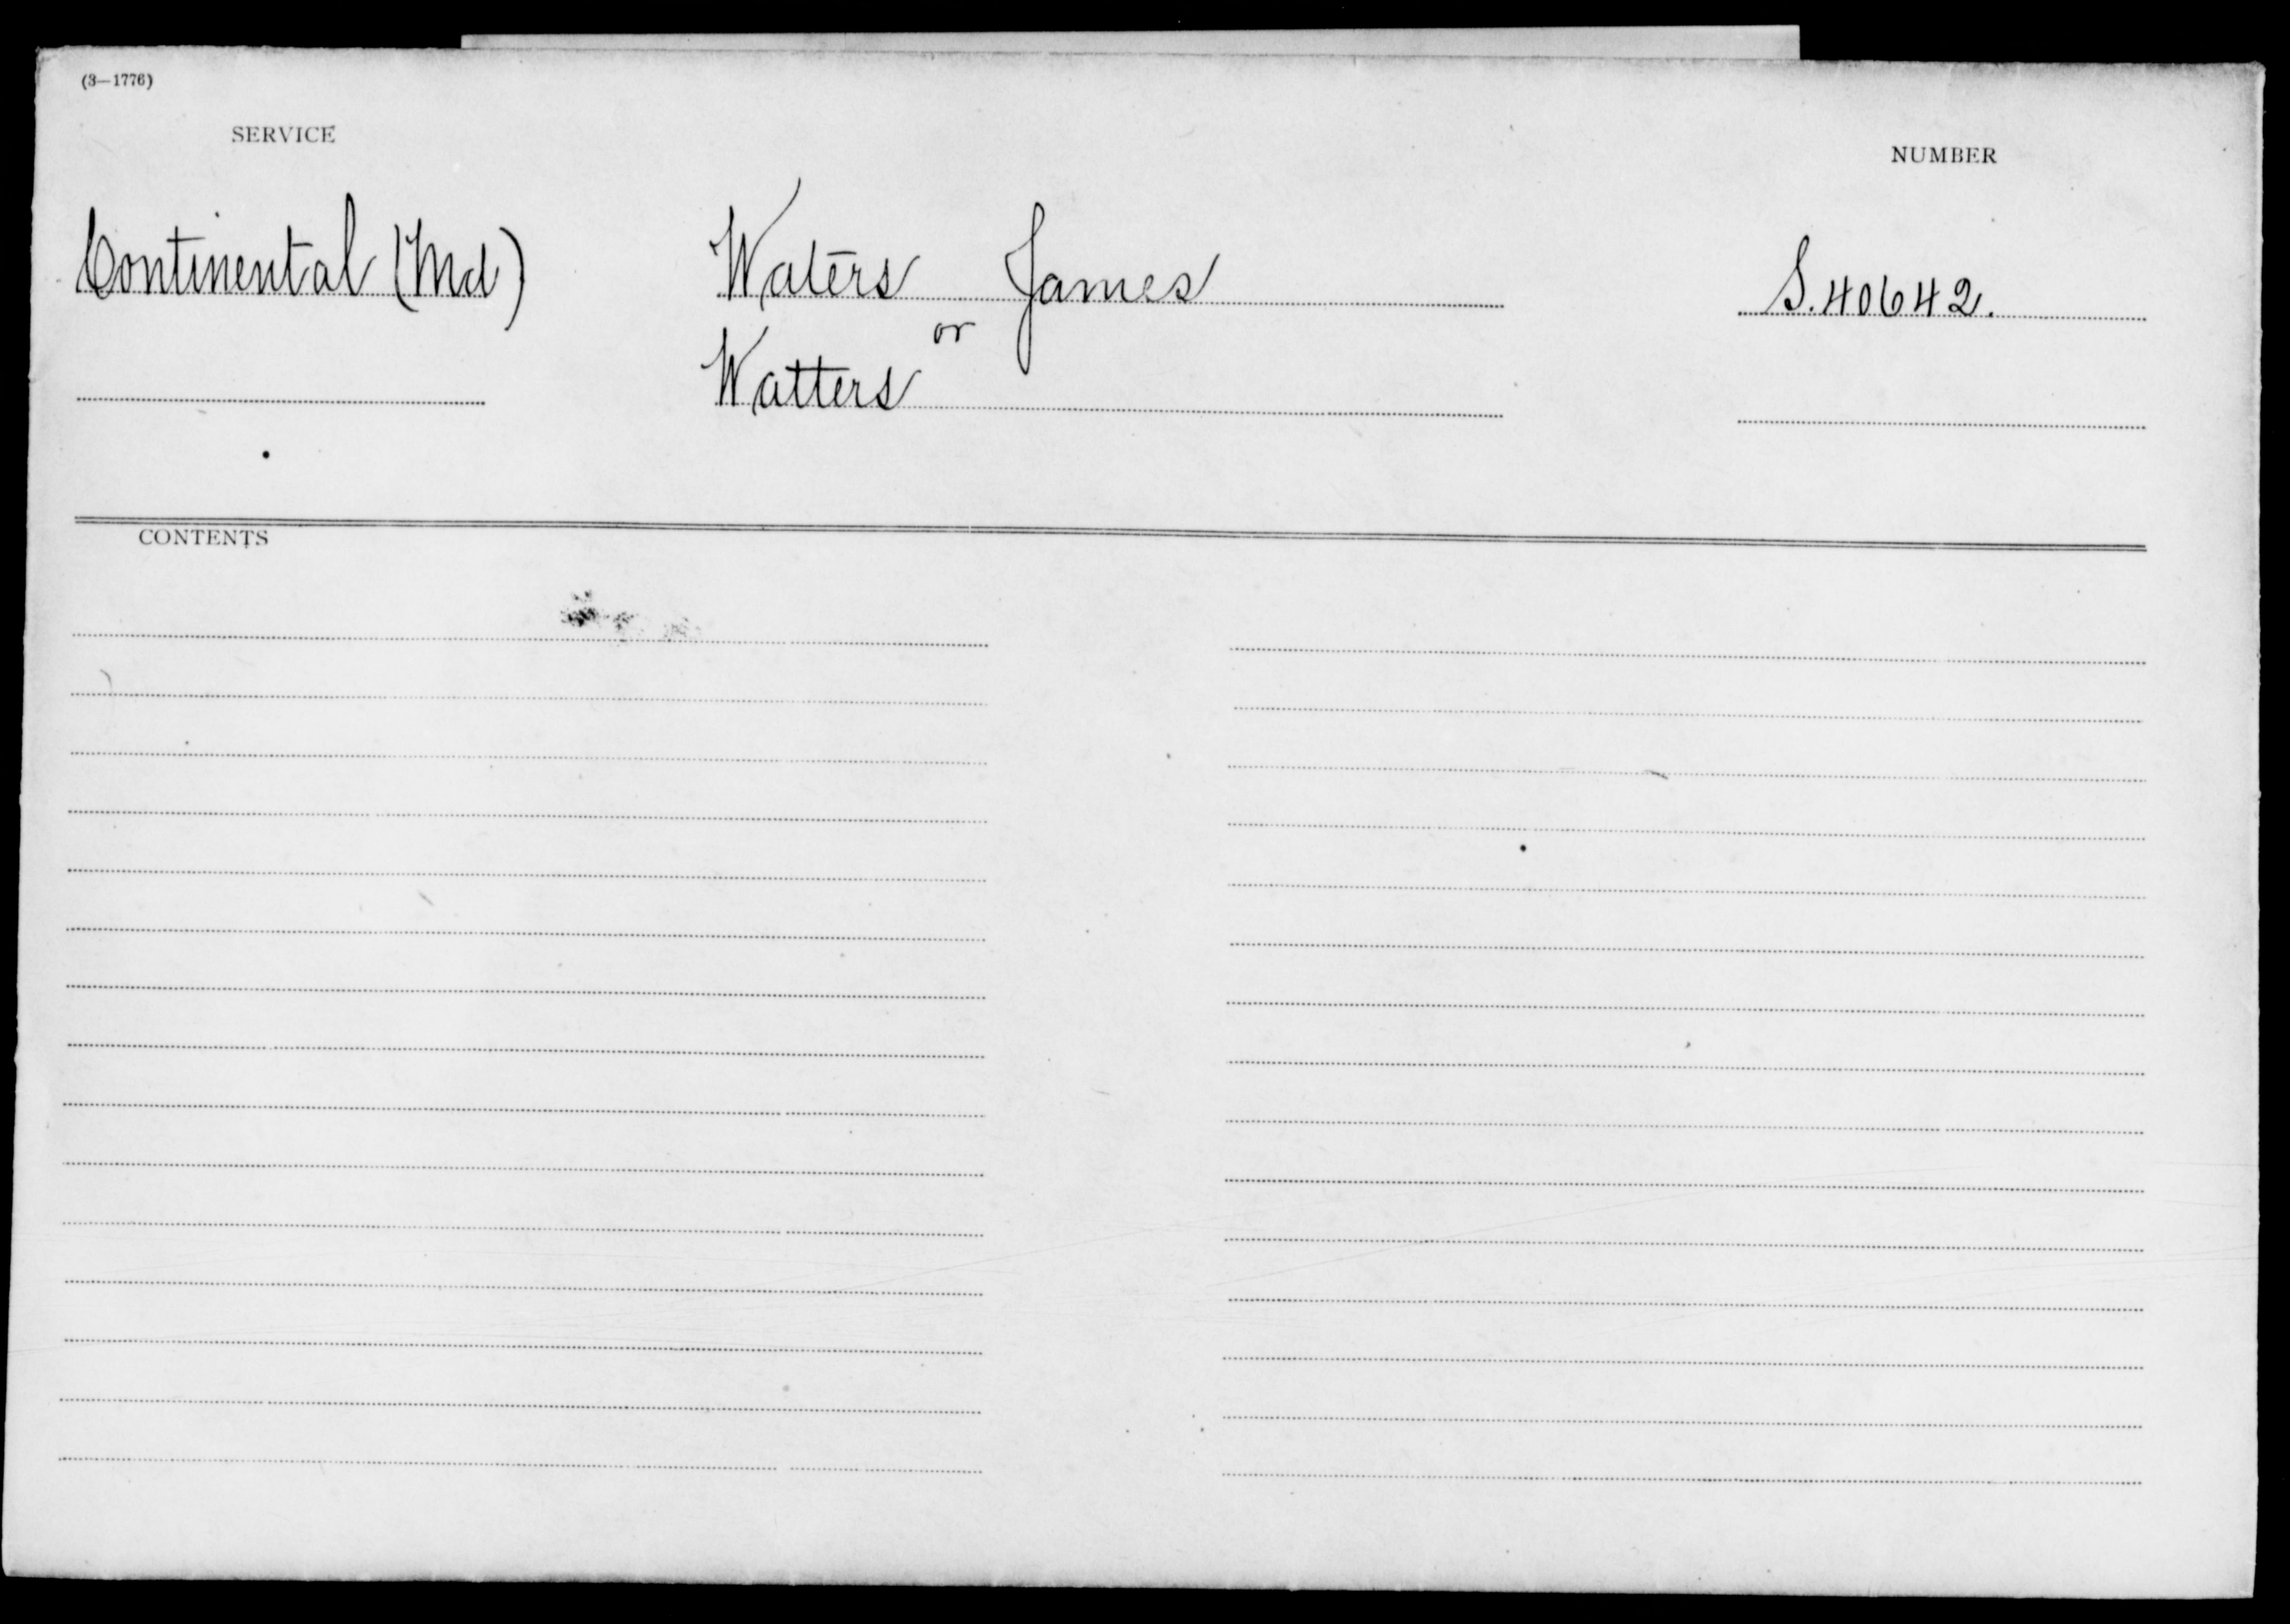(3--1776)
SERVICE
Continental (Md) 
Waters James
or
Watters
NUMBER
S. 40642
CONTENTS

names: James Watters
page: 1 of 29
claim: survivor's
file: S. 40642, James Waters, Continental (Md)